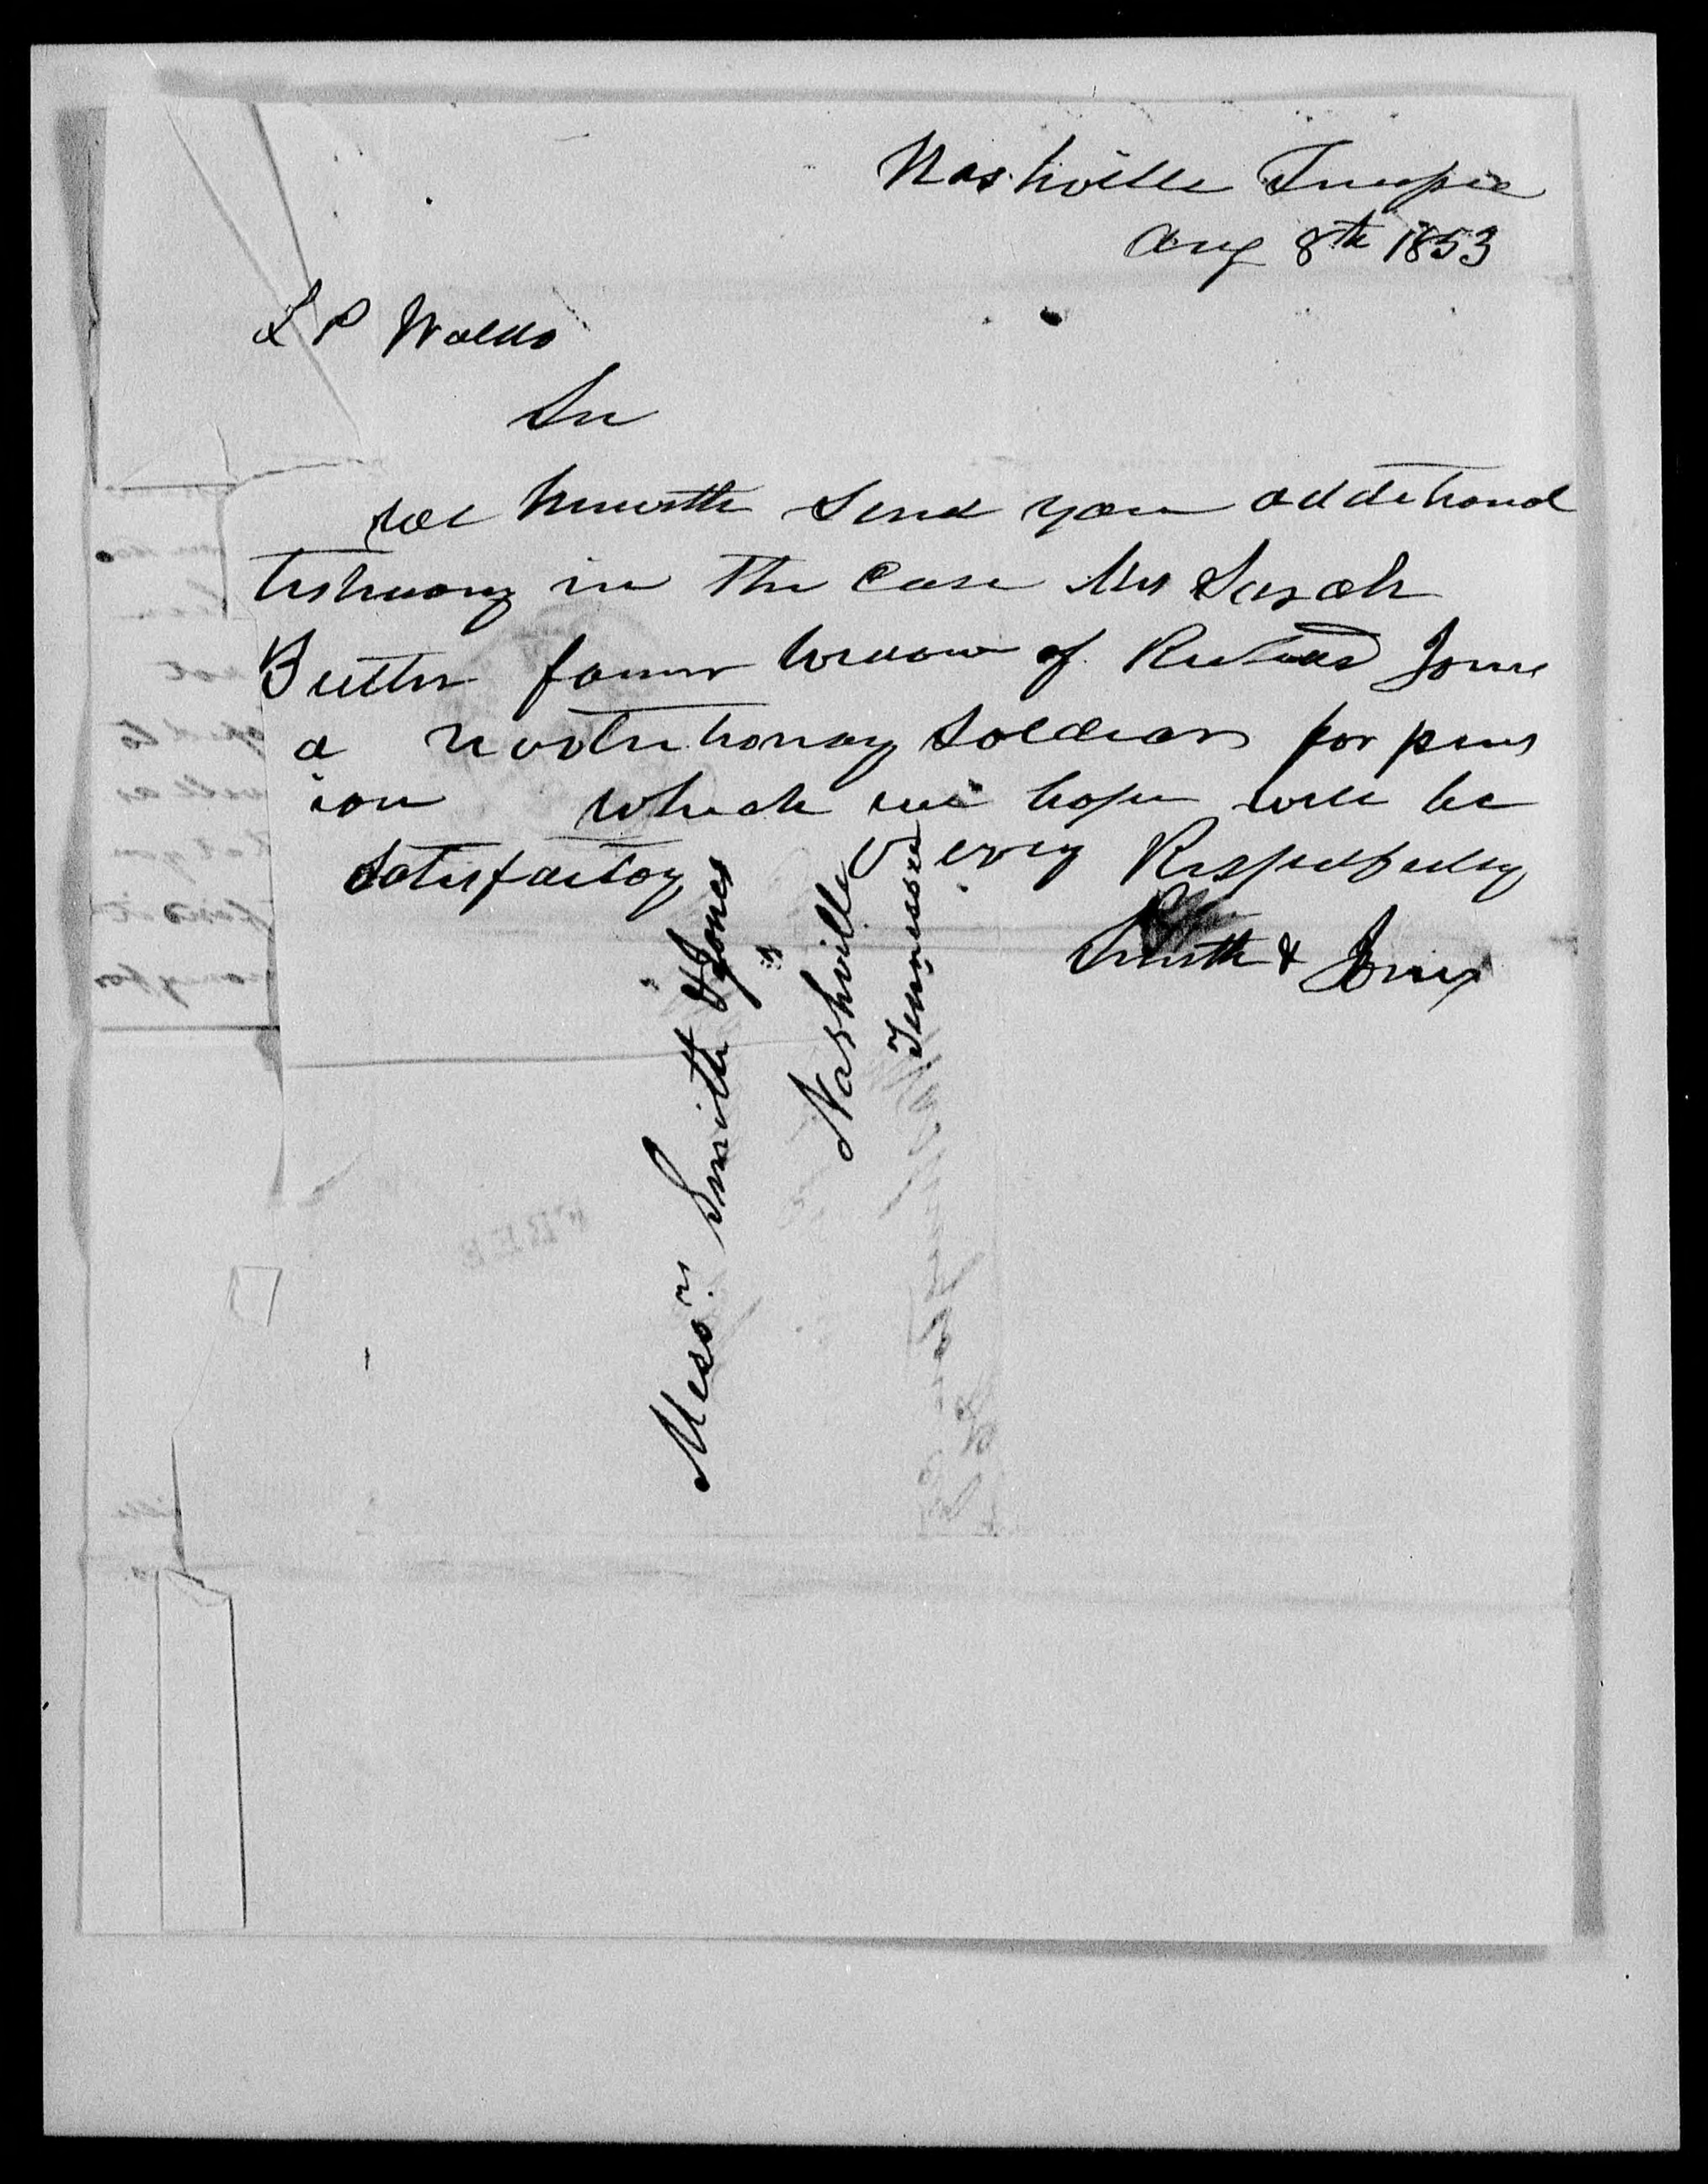Nashville Tennessee
Aug 8th 1853

L P Waldo

Sir

We herewith send you additional
testimony in the case Mrs Sarah
Butler former widow of Richard Jones
a revolutionary soldier for pension 
which we hope will be 
satisfactory

Very Respectfully
Smith & Jones


[vertically]
Messrs. Smith & Jones
Nashville
Tennessee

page: 30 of 33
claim: rejected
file: R. 1554, for Richard Jones, North Carolina